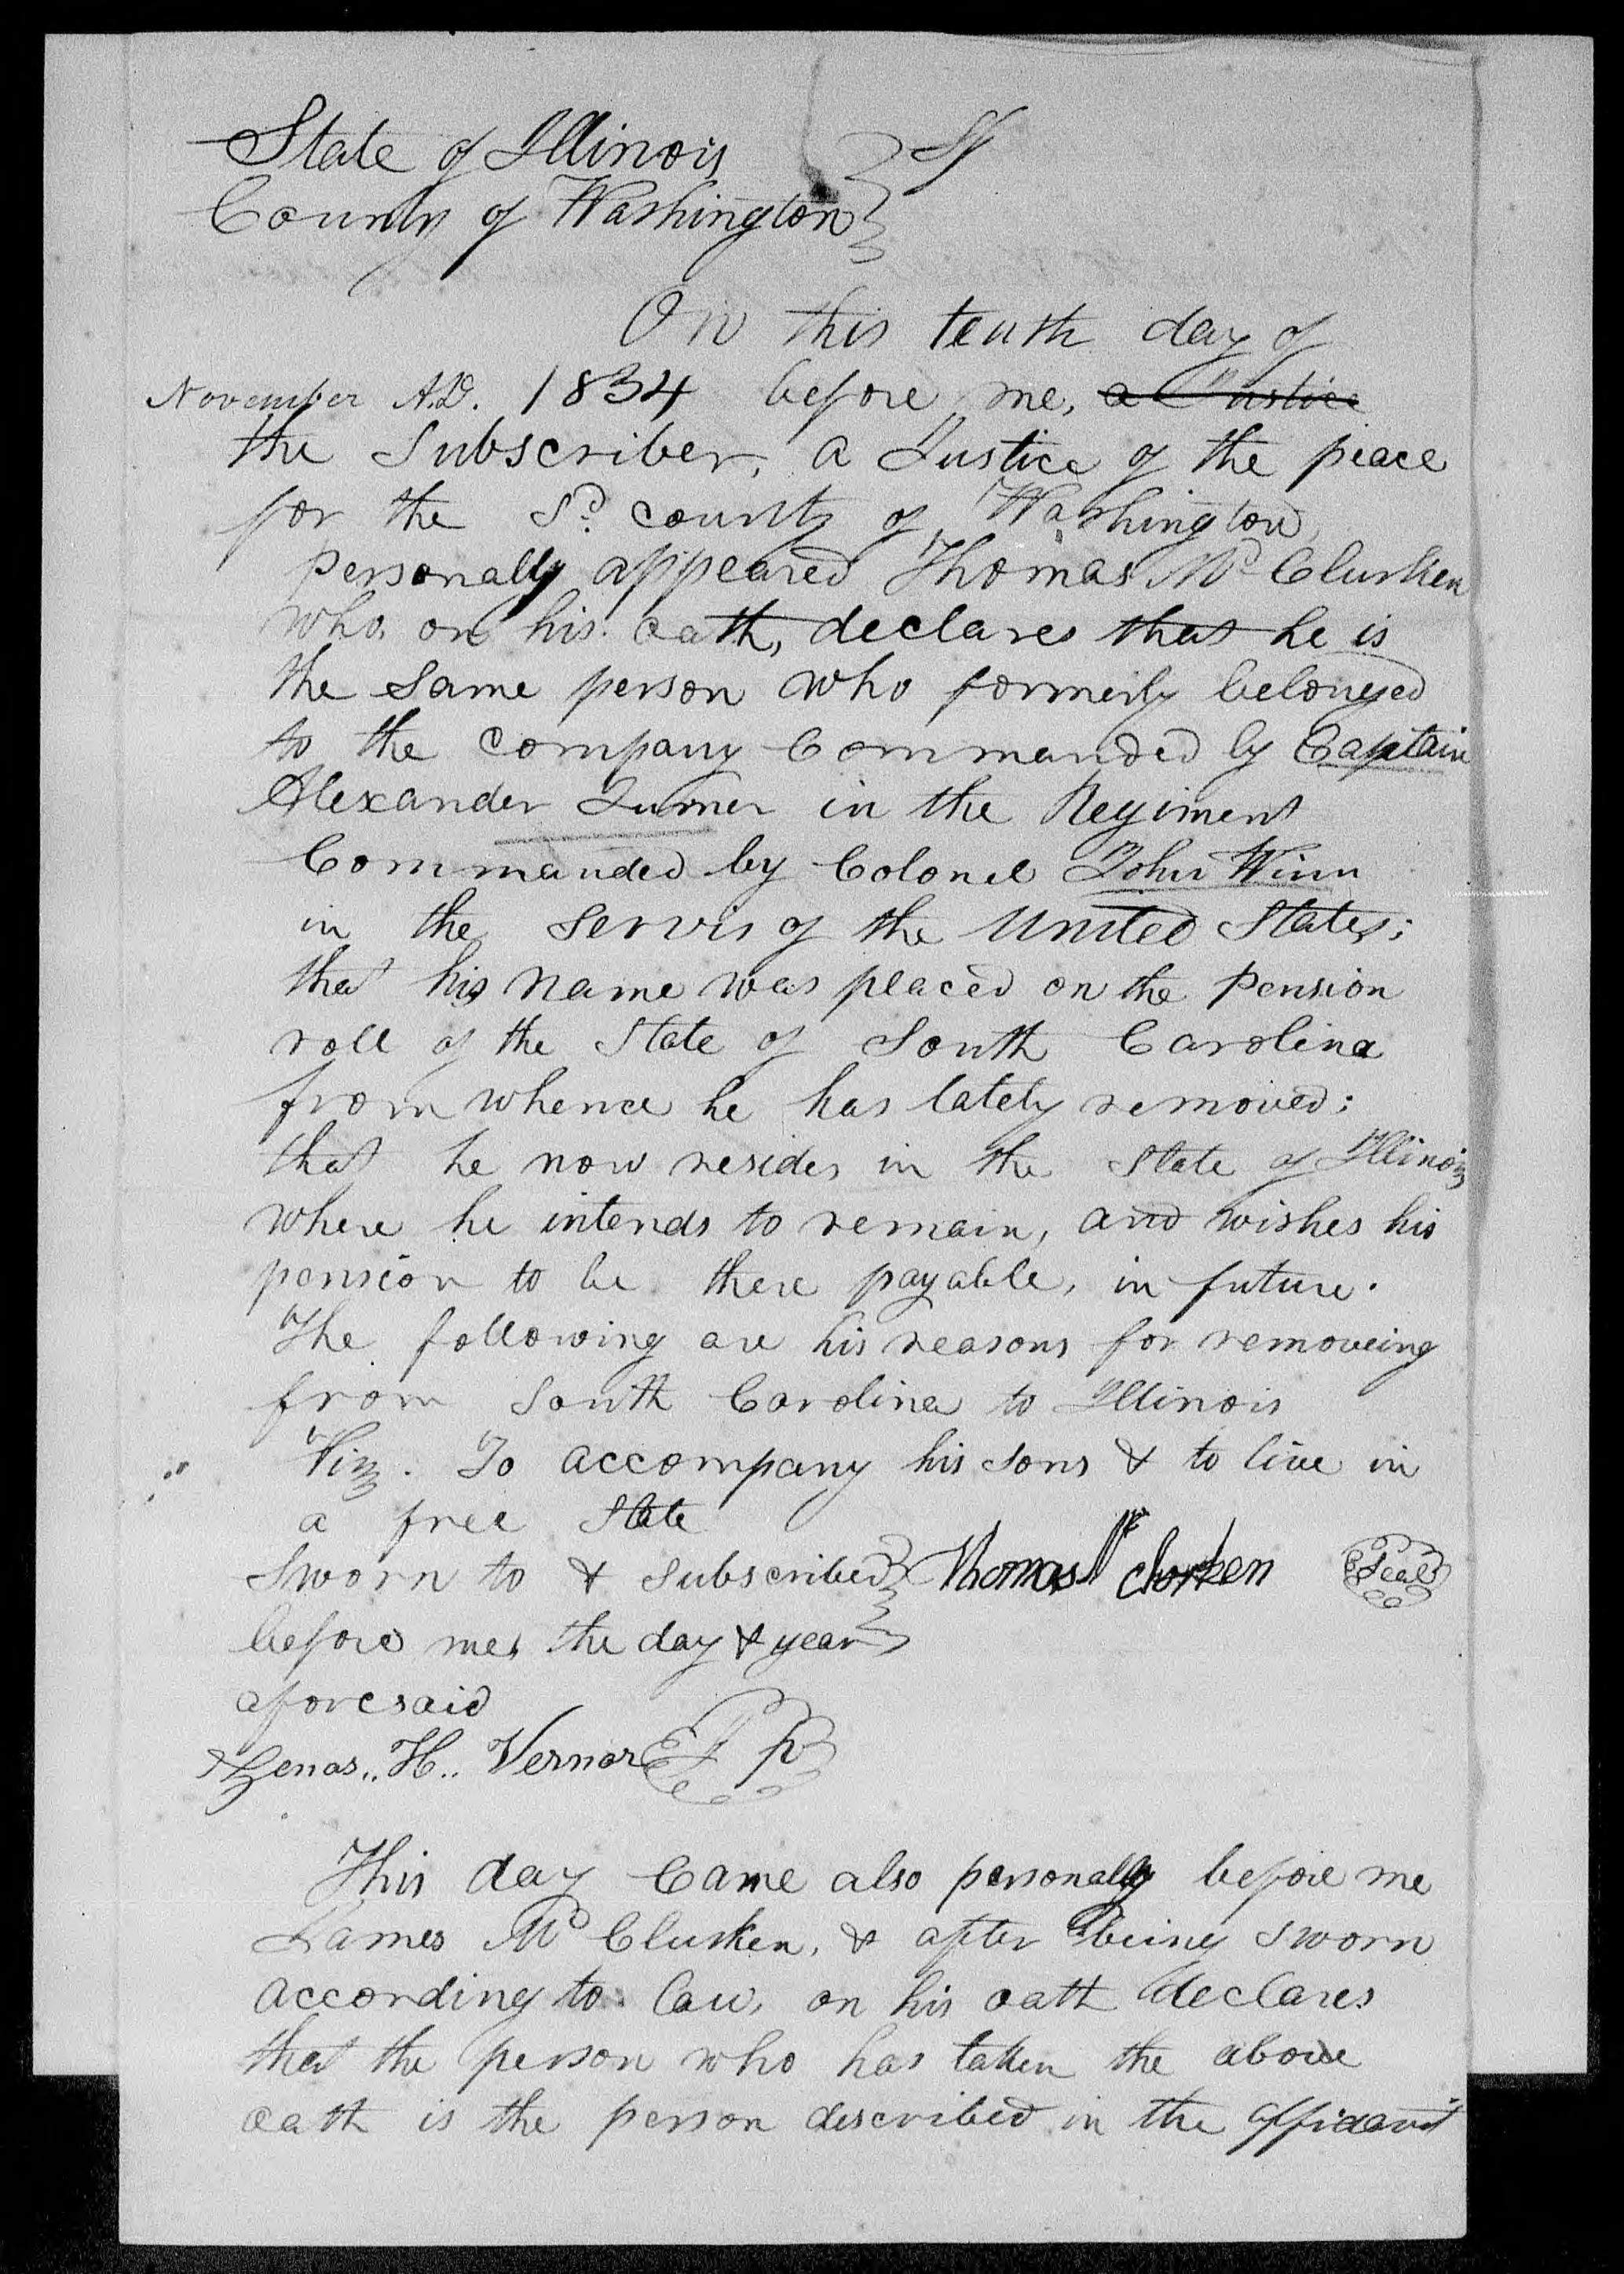State of Illinois} ss
 County of Washington}

On this tenth day of November A.D. 1834 before me, the Subscriber, a Justice of the peace for the said County of Washington personally appeared Thomas McClurken who, on his oath, declares that he is the same person who formerly belonged to the company commanded by Captain Alexander Turner in the Regiment Commanded by Colonel John Winn in the servis of the United States; that his name was placed on the pension roll of the State of South Carolina from whence he has lately removed; 
that he now resides in the State of Illinois where he intends to remain, and wishes his pension to be there payable in future. 
The following are his reasons for removing from South Carolina to Illinois 
Viz. To accompany his sons & to live in a free State 

Thomas McClurken {seal}
Sworn to & subscribed}
 before me the day & year}
 aforesaid
Zenas H. Verner J.P.

This day came also personally before me James McClurken, & after being sworn according to law, on his oath declares
that the person who has taken the above oath is the person described in the affidavit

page: 75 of 93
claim: widow's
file: W. 21792, for Thomas Mc Clurken, South Carolina